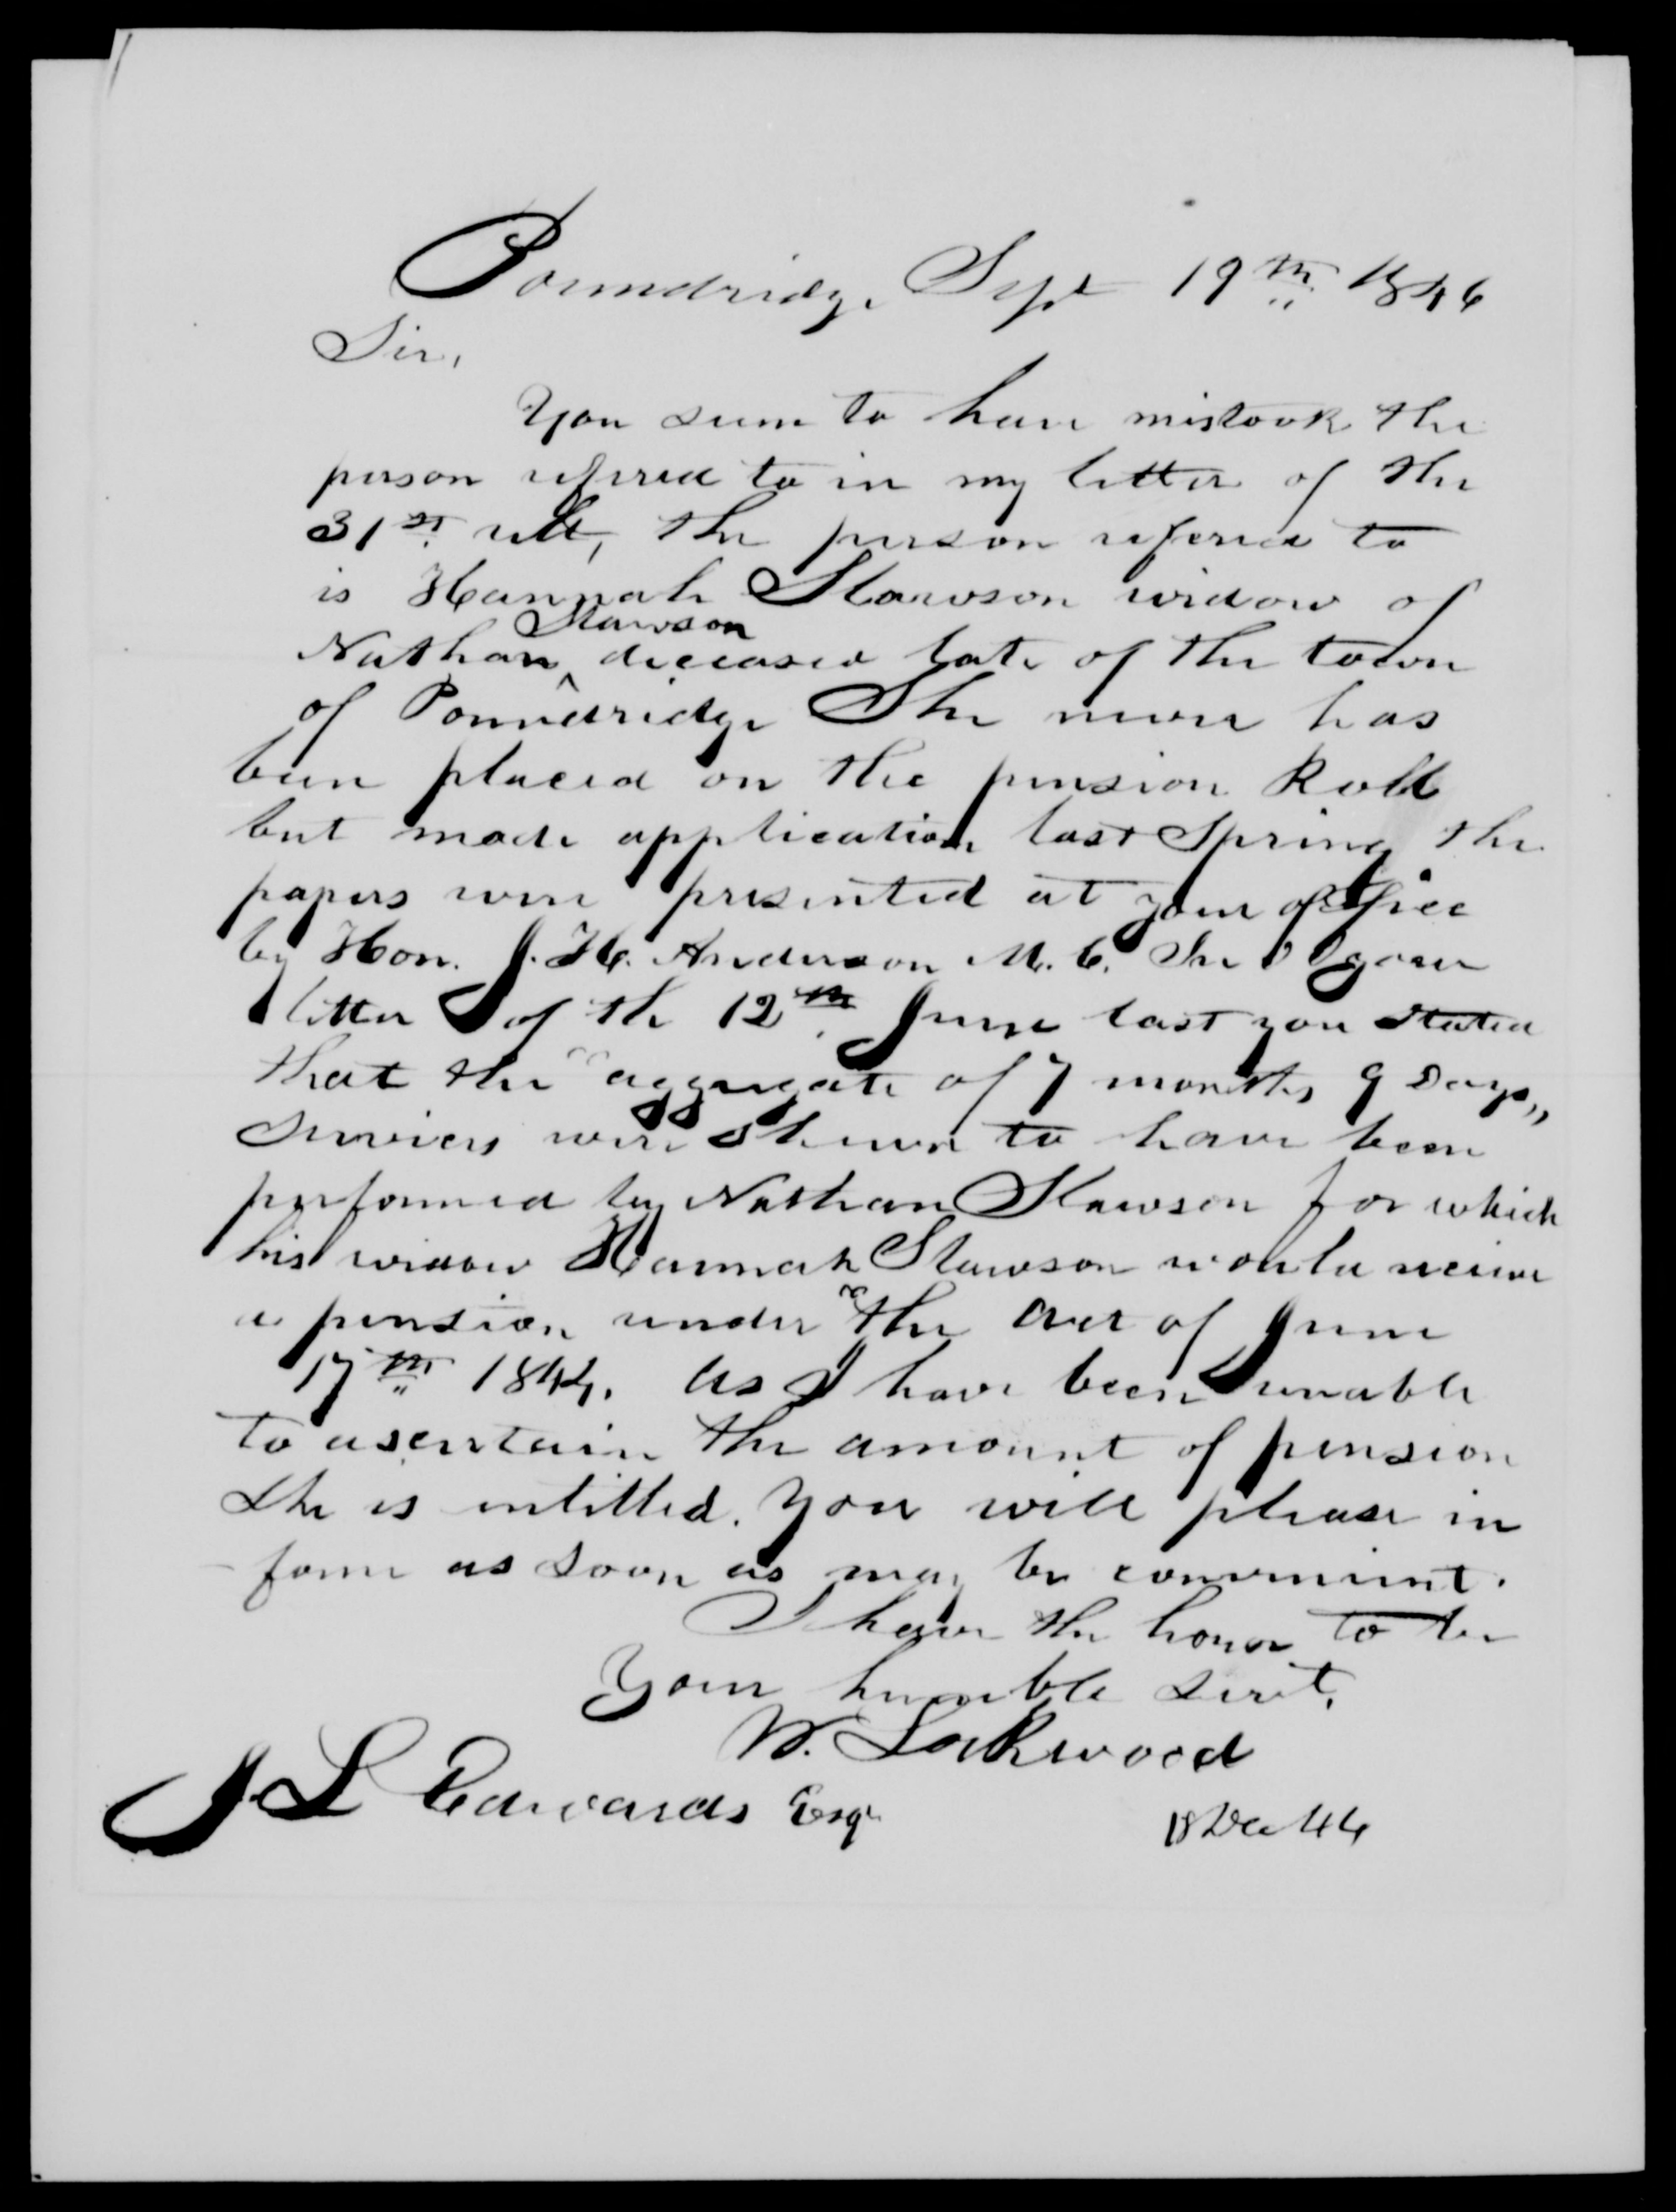Poundridge Sept 19th 1844 
Sir 
You sum to have mistook the person referred to in my letter of the 31st ult, the person referred to is Hannah Slawson widow of Nathan deceased late of the town of Poundridge.   She never has been placed on the pension Roll but made application last Spring the papers were presented at your office by Hon. J.H. Anderson M.C. In letter of the 12th June last you stated that the aggregate of 7 months 9 days services were shewn to have been performed by Nathan Slawson for which his widow Hannah Slawson now receives a pension under the act of June 17th 1844. as I have been unable to ascertain the amount of pension she is entitled. You will please inform as soon as may be convenient 
Your humble servt. 
W. Lockwood 
J. L Edwards Esq 
18 Dec 44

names: Hannah Slawson; J H Anderson; W Lockwood; Hannah Slawson; J L Edwards; Nathan Slawson; Nathan Slawson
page: 57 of 87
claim: widow's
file: W. 22,226, for Nathan Slawson, Connecticut